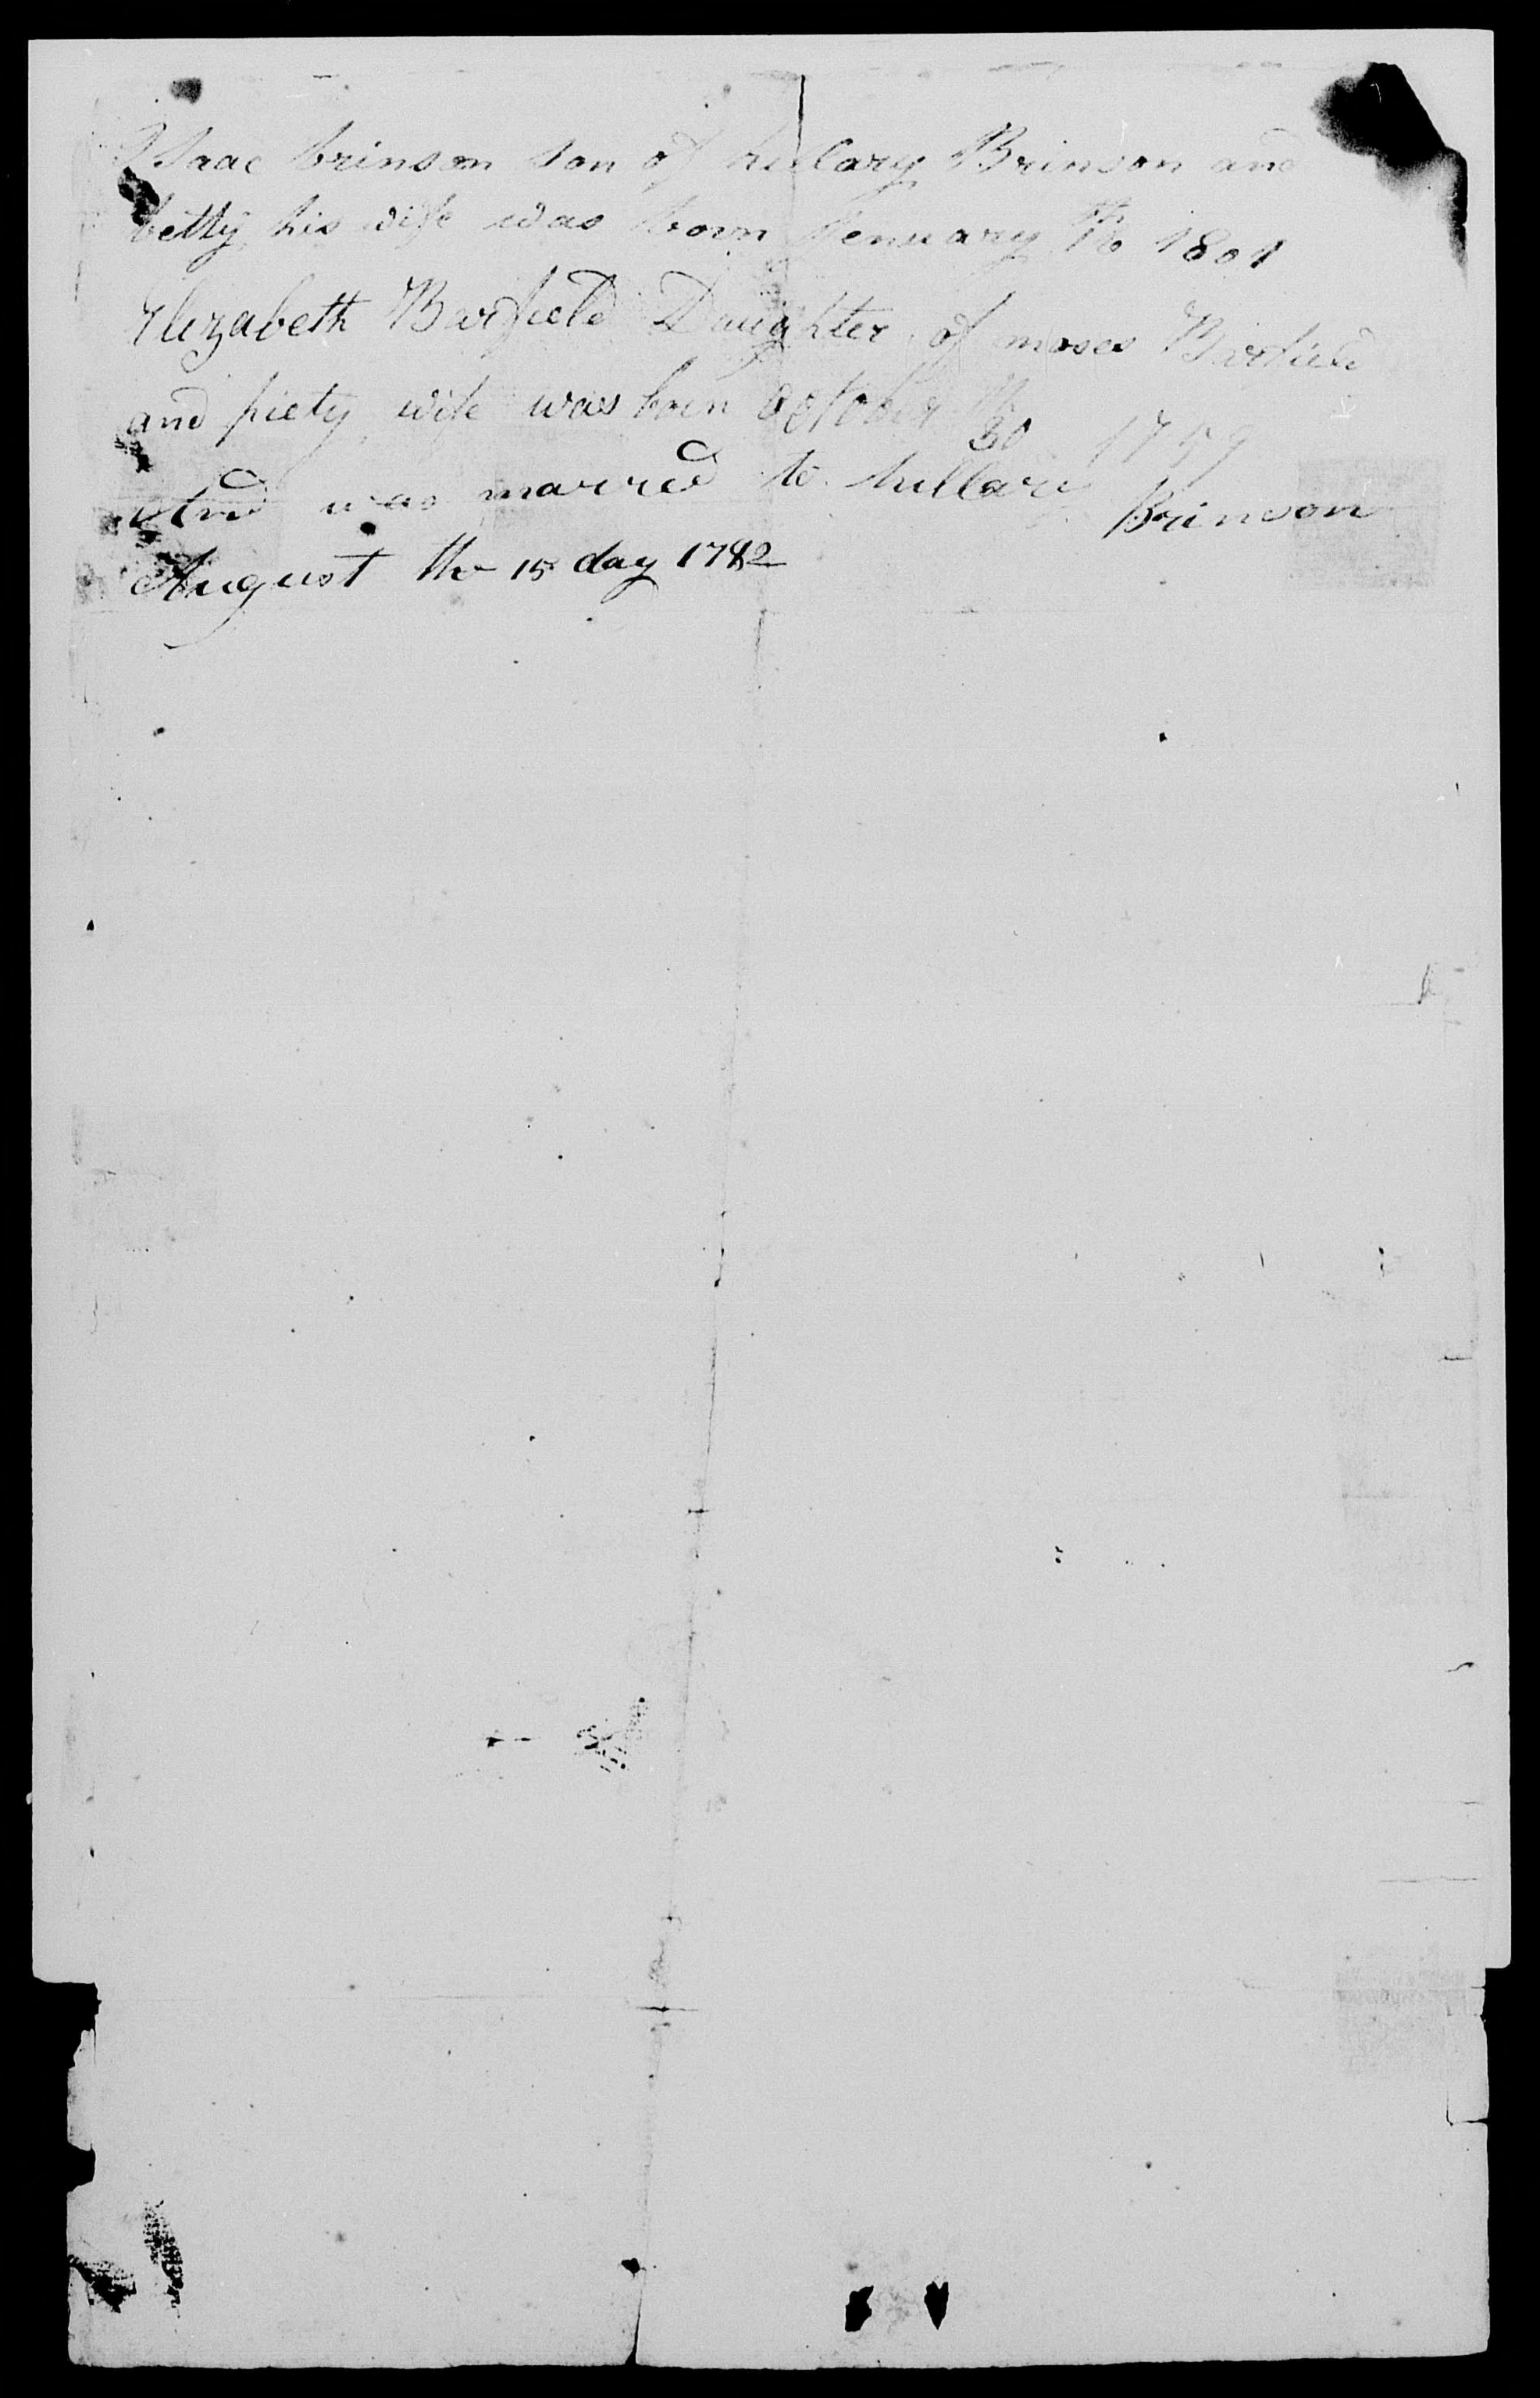Isaac Brinson son of hillary Brinson and Betty his wife was born January 16th 1801

Elizabeth Barfield Daughter of Moses Barfield and Piety , wife was born October  30th 1759 and was married to Hillary Brinson August the 15 day 1782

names: Hillary Brinson, Isaac Brinson, Betty, Elizabeth Barfield, Moses Barfield, Hillary Brinson, Piety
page: 13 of 38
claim: widow's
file: W. 5231, Hilary Brinson, N.C.